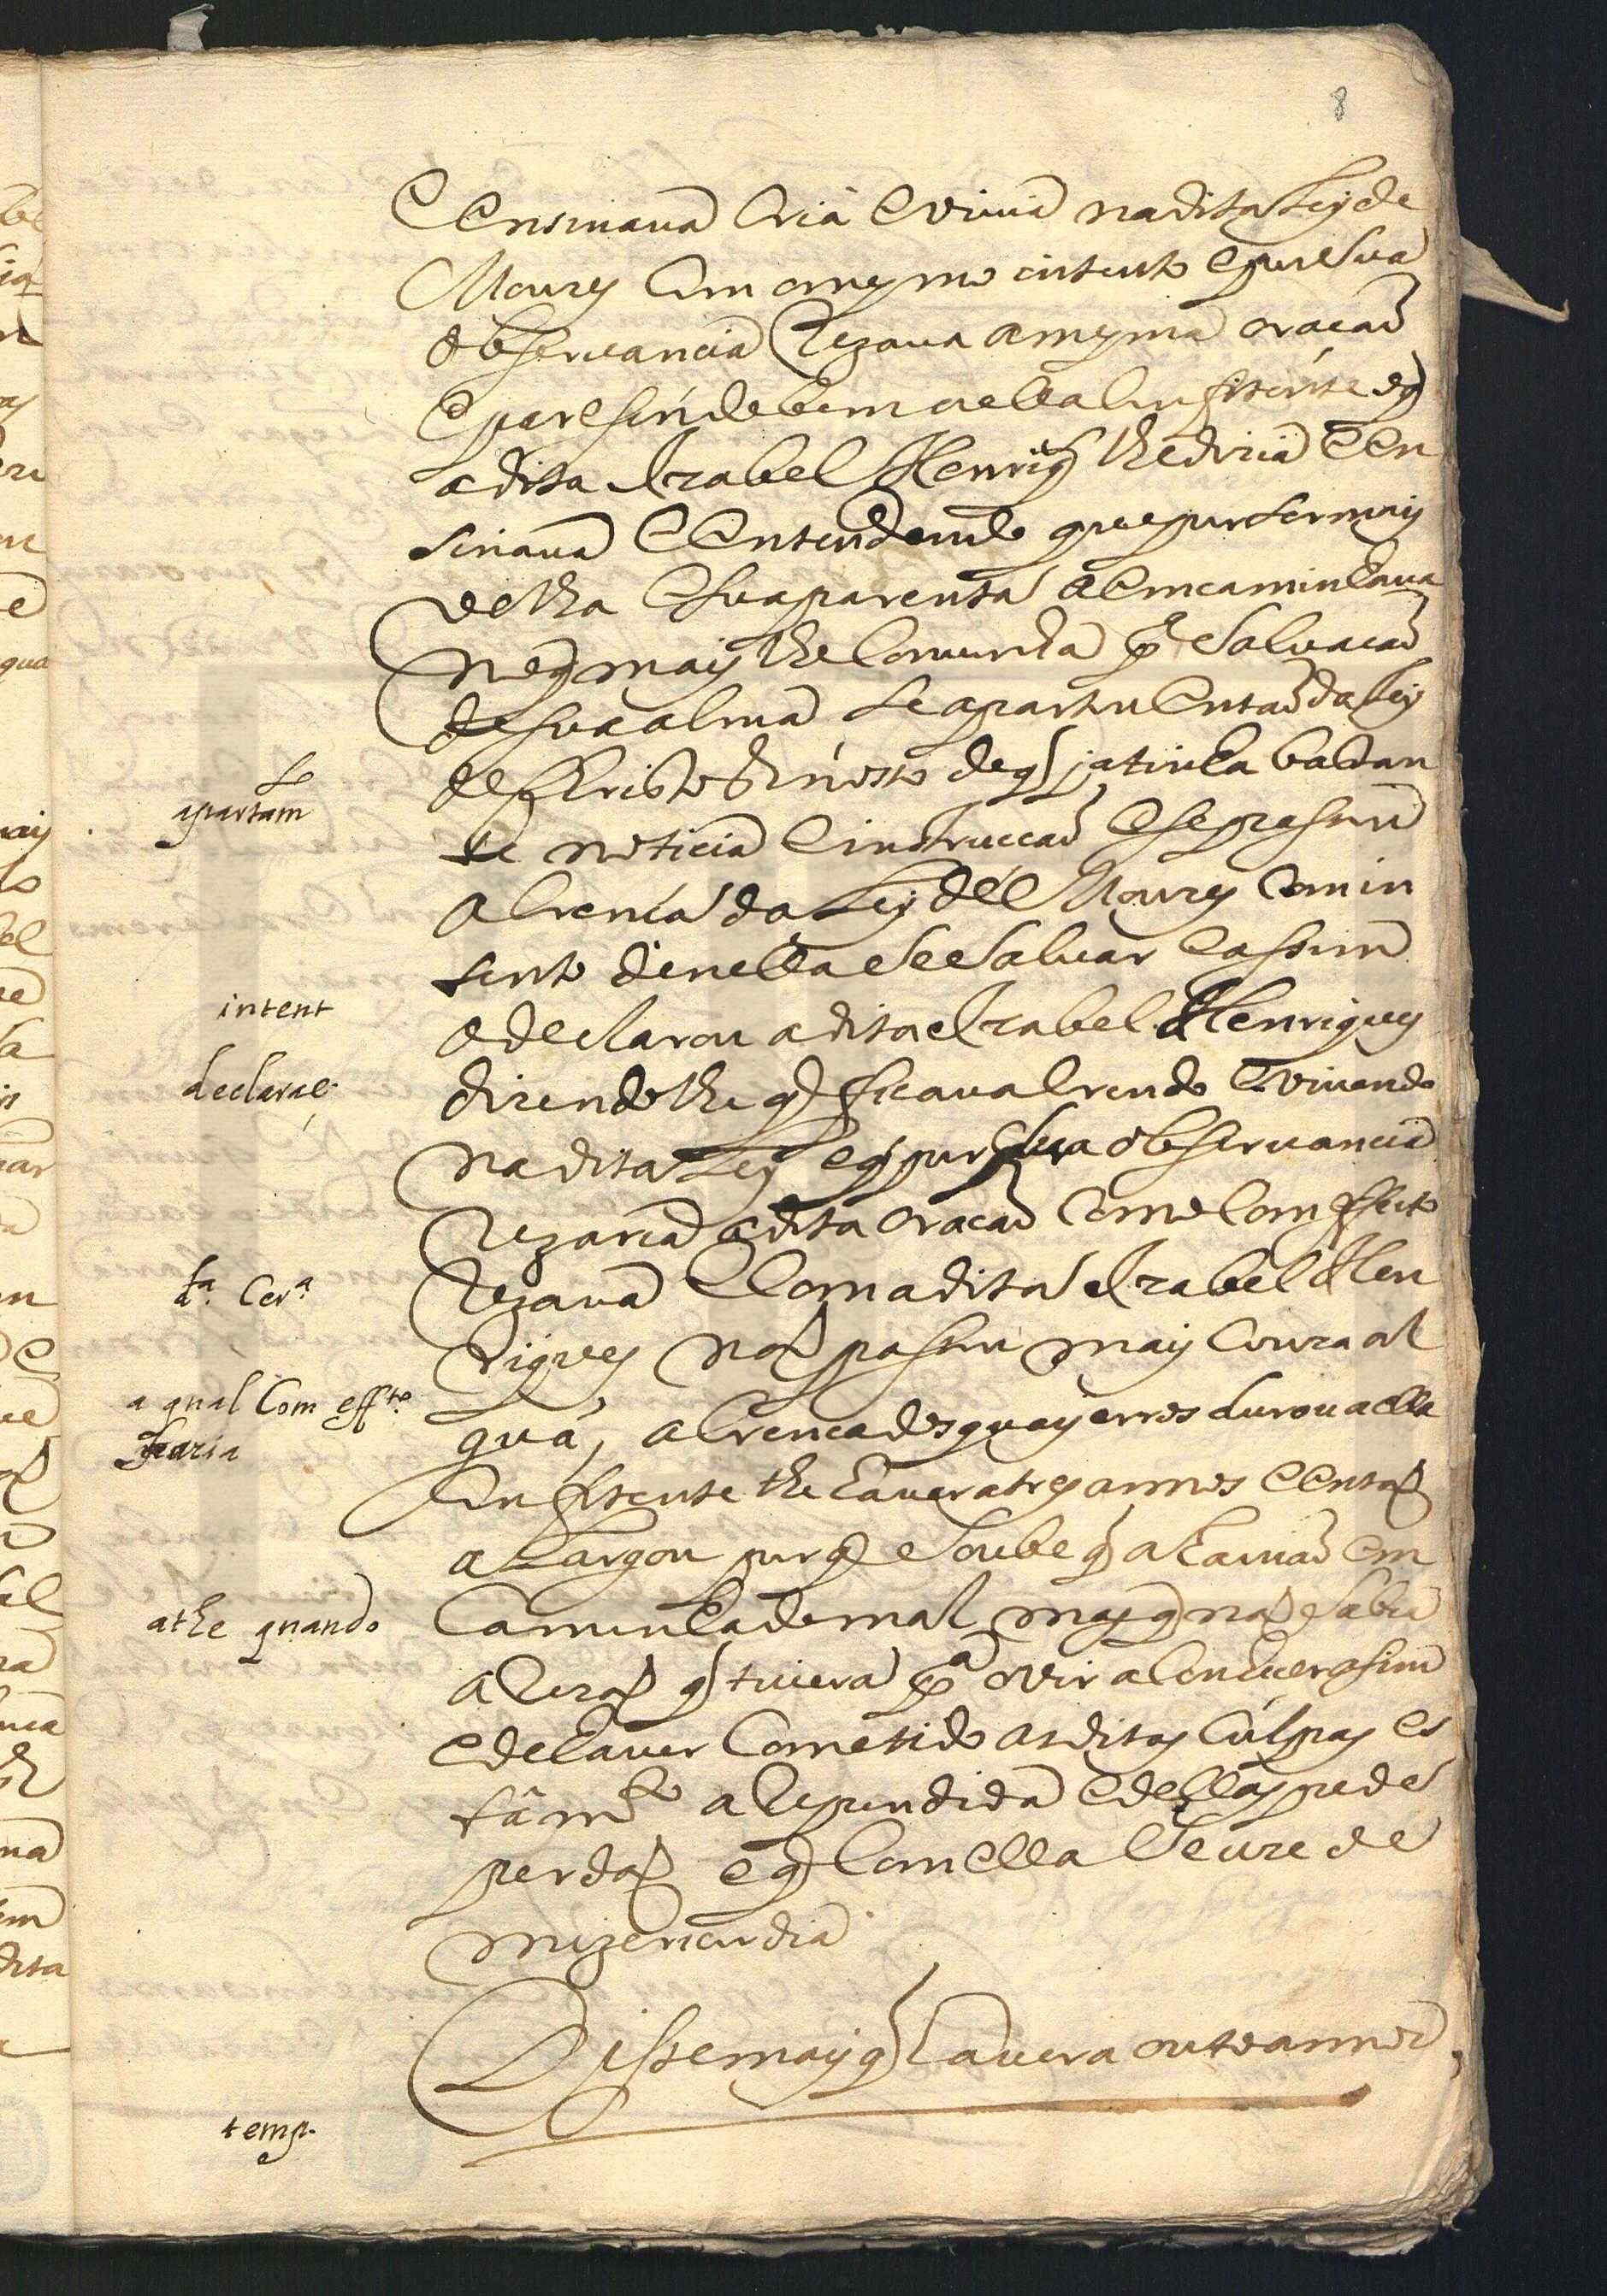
E Ensinaua Cria E viuia na dita Ley de
Mouzes Com o mesmo intento e por Sua
obseruançia Rezaua a mesma oraçaõ
E paresendo bem a ella Confitente o q̄
a dita Jzabel Henriqs lhe dizia e en
sinaua E Entendendo que por ter mais
Velha E sua parenta a Emcaminhaua
no q̄ mais lhe Conuinha pa Salvacaõ
de sua alma se apartou Entaõ da Ley
de Christo Sr nosso de q̄ ja tinha bastan
te notiçia E instrucçaõ E se passou
a Crença da Ley de Mouzes Com in
tento de nella Se Saluar E assim
o declarou a dita Jzabel Henriques
dizendo lhe q̄ ficaua Crendo e Viuendo
na dita Ley e q̄ per Sua obseruancia
Rezaria a dita oracaõ Como Com effeito
Uzava E Com a dita Jzabel Hen
riques naõ passou mais Couza al
guā, a Crenca dos quais erros durou a ella
Confitente the hauera tres annos e entaõ
aLargou porq̄ Soube q̄ a hauiaõ em
Caminhado mal, mas q̄ naõ Sabia
a Rezaõ q̄ tiuera pa o vir a Conheçer asim
e de hauer Cometido as ditas Culpas es
tá mto aRependida e dellas pede
perdaõ e q̄ Com ella Se uza de
mizericordia
Disse mais q̄ hauera outo annos
